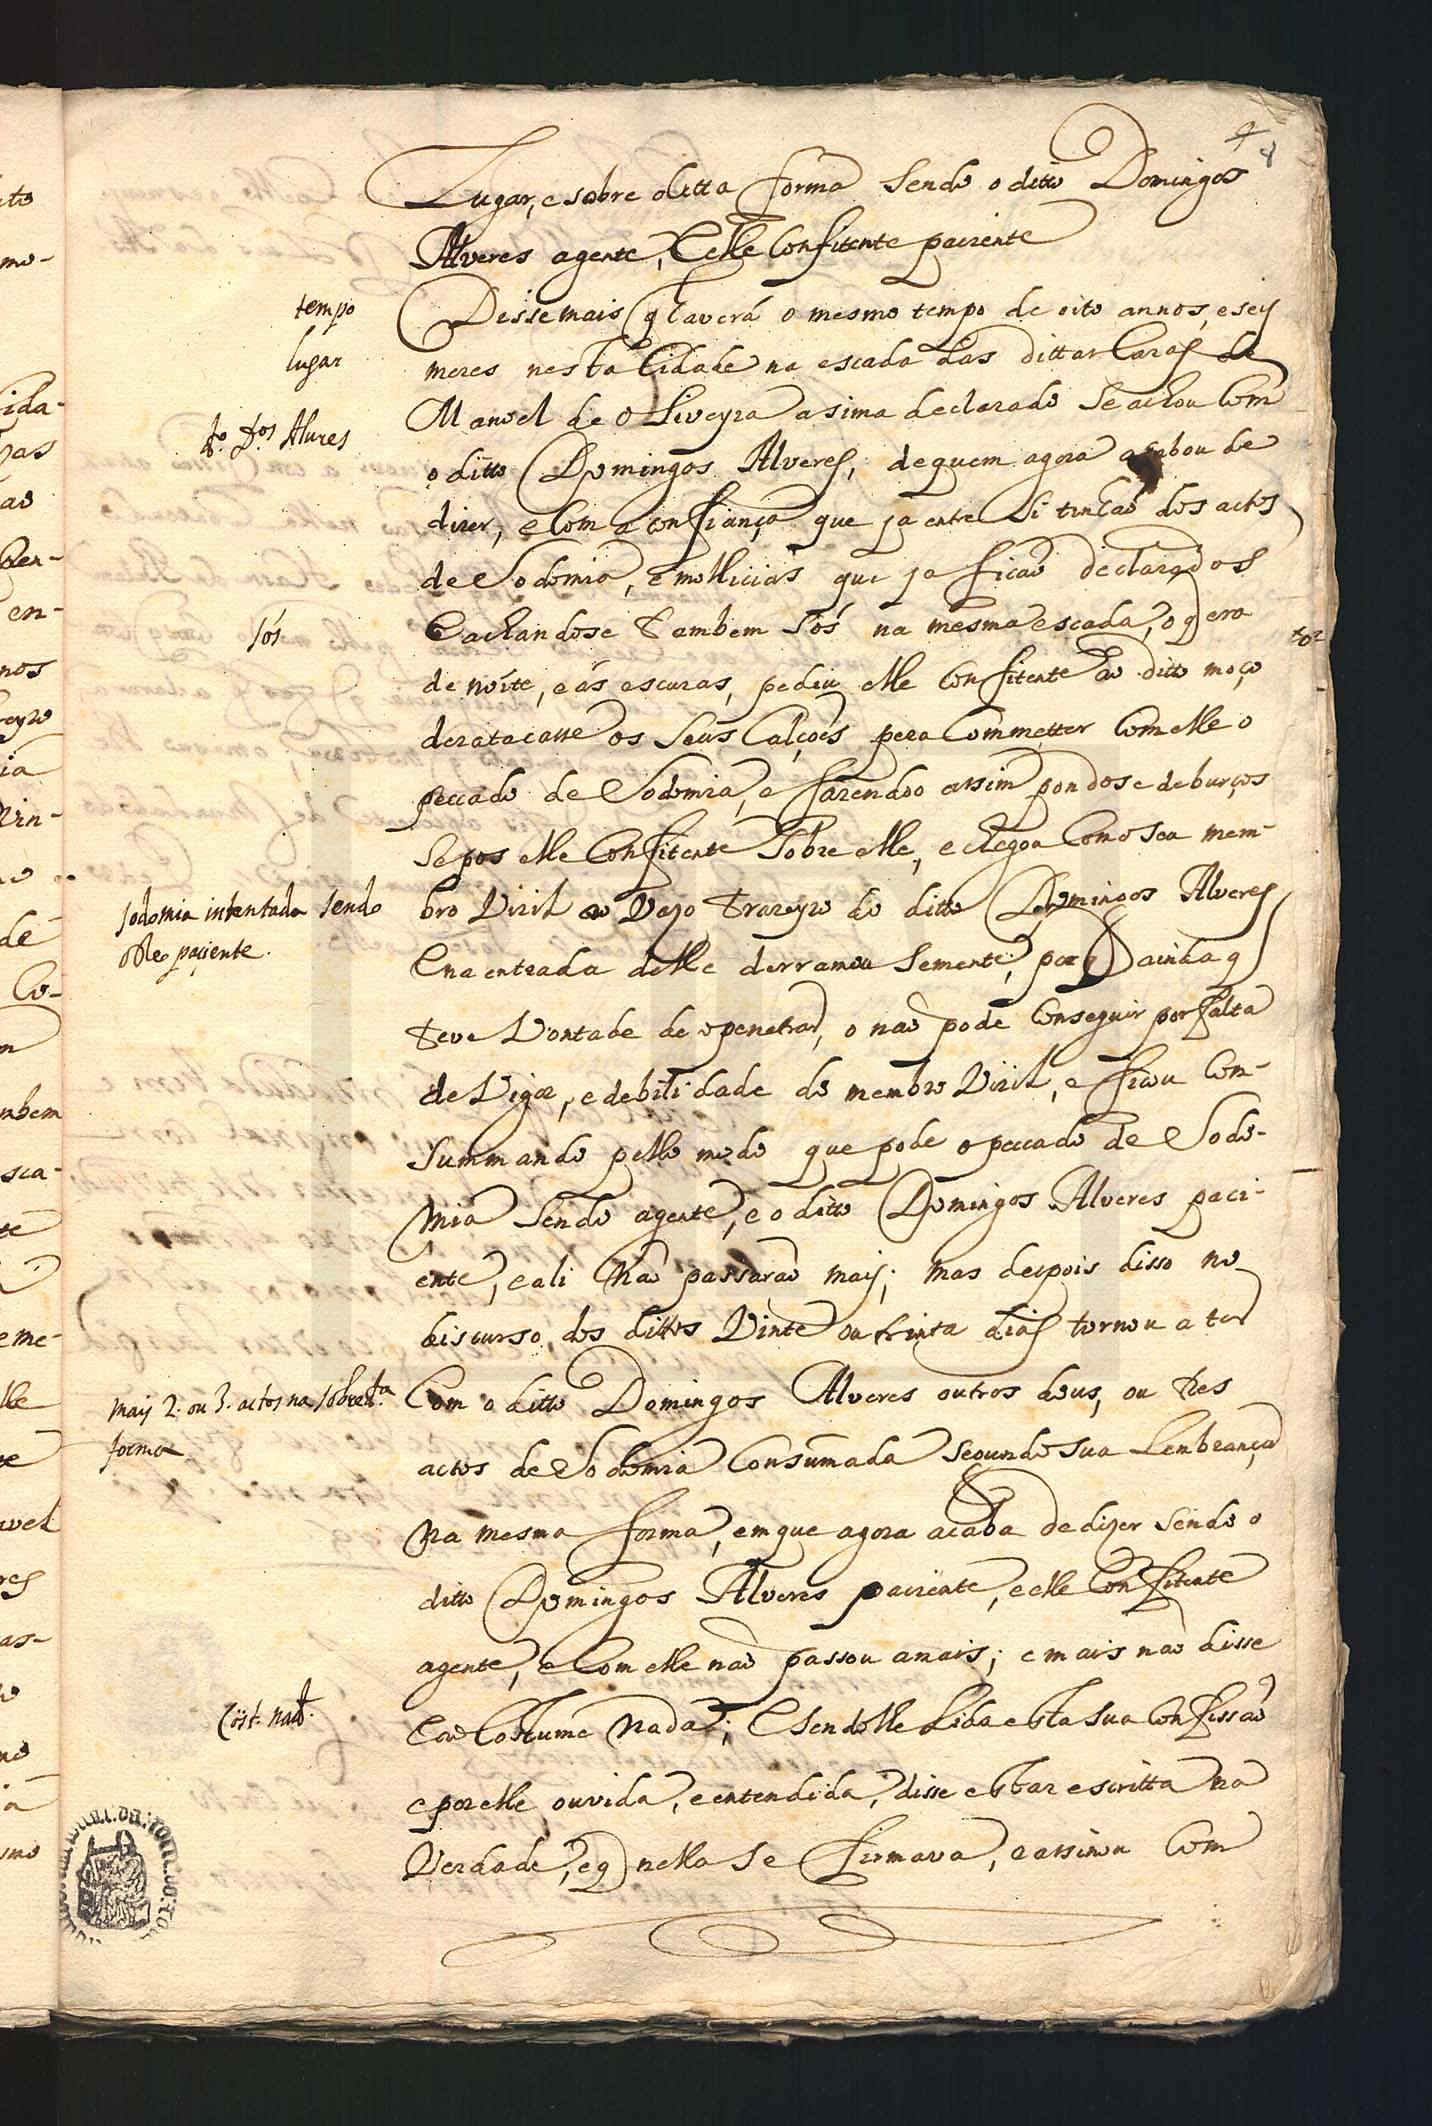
tempo
lugar
d̄.o D.os Alures
sós
Sodomia intentada sendo
o Reo paçiente.
mais 2. ou 3. actos na sobred̄.a
forma
Cost. na d̄.
Lugar, e sobreditta forma Sendo o ditto Domingos
Alveres agente, E elle Confitente paciente
Disse mais q̄ haverá o mesmo tempo de oito annos e seis
mezes nesta Cidade na escada das dittas Cazas de
Manoel de oLiveyra asima declarado se achou com
o ditto Domingos Alveres, de quem agora acabou de
dizer, e Com a confiança que ja entre si tinhaõ dos actos
de Sodomia, E mollicias que ja ficaõ declarados
E achandose Tambem sós na mesma escada, o q̄ era
de noite, e ás escuzas pediu elle Confitente ao ditto moço
dezatacasse os seus Calçoẽs, pera Commetter Com elle o
peccado de Sodomia, e fazendoo assim pondose de burços
se pos elle Confitente Sobre elle, e chegou Com o seu mem
bro Viril ao Vaso trazeyro do ditto Domingos Alveres,
E na entrada delle derramou semente, por q̄ ainda q̄
teve Vontade de o penetrar, o naõ pode Conseguir por falta
de Vigor, e debilidade do membro Viril, e ficou Con
summando pello modo que pode o peccado de Sodo
mia Sendo agente, e o ditto Domigos Alveres paci
ente, e ali naõ passaraõ mais; mas despois disso no
discurso, dos dittos Vinte ou trinta dias tornou a ter
com o ditto Domingos Alveres outros dous, ou tres
actos de Sodomia Consumada segundo sua Lembrança
na mesma forma, em que agora acaba de dizer sendo o
ditto Domingos Alveres paciente, e elle Confitente
agente, e Com elle naõ passou a mais; e mais não disse
E ao Costume nada; E sendolhe Lida esta sua confissaõ
e por elle ouvida, e entendida, disse estar escritta na
Verdade, e q̄ nella se firmava, e assinou Com
